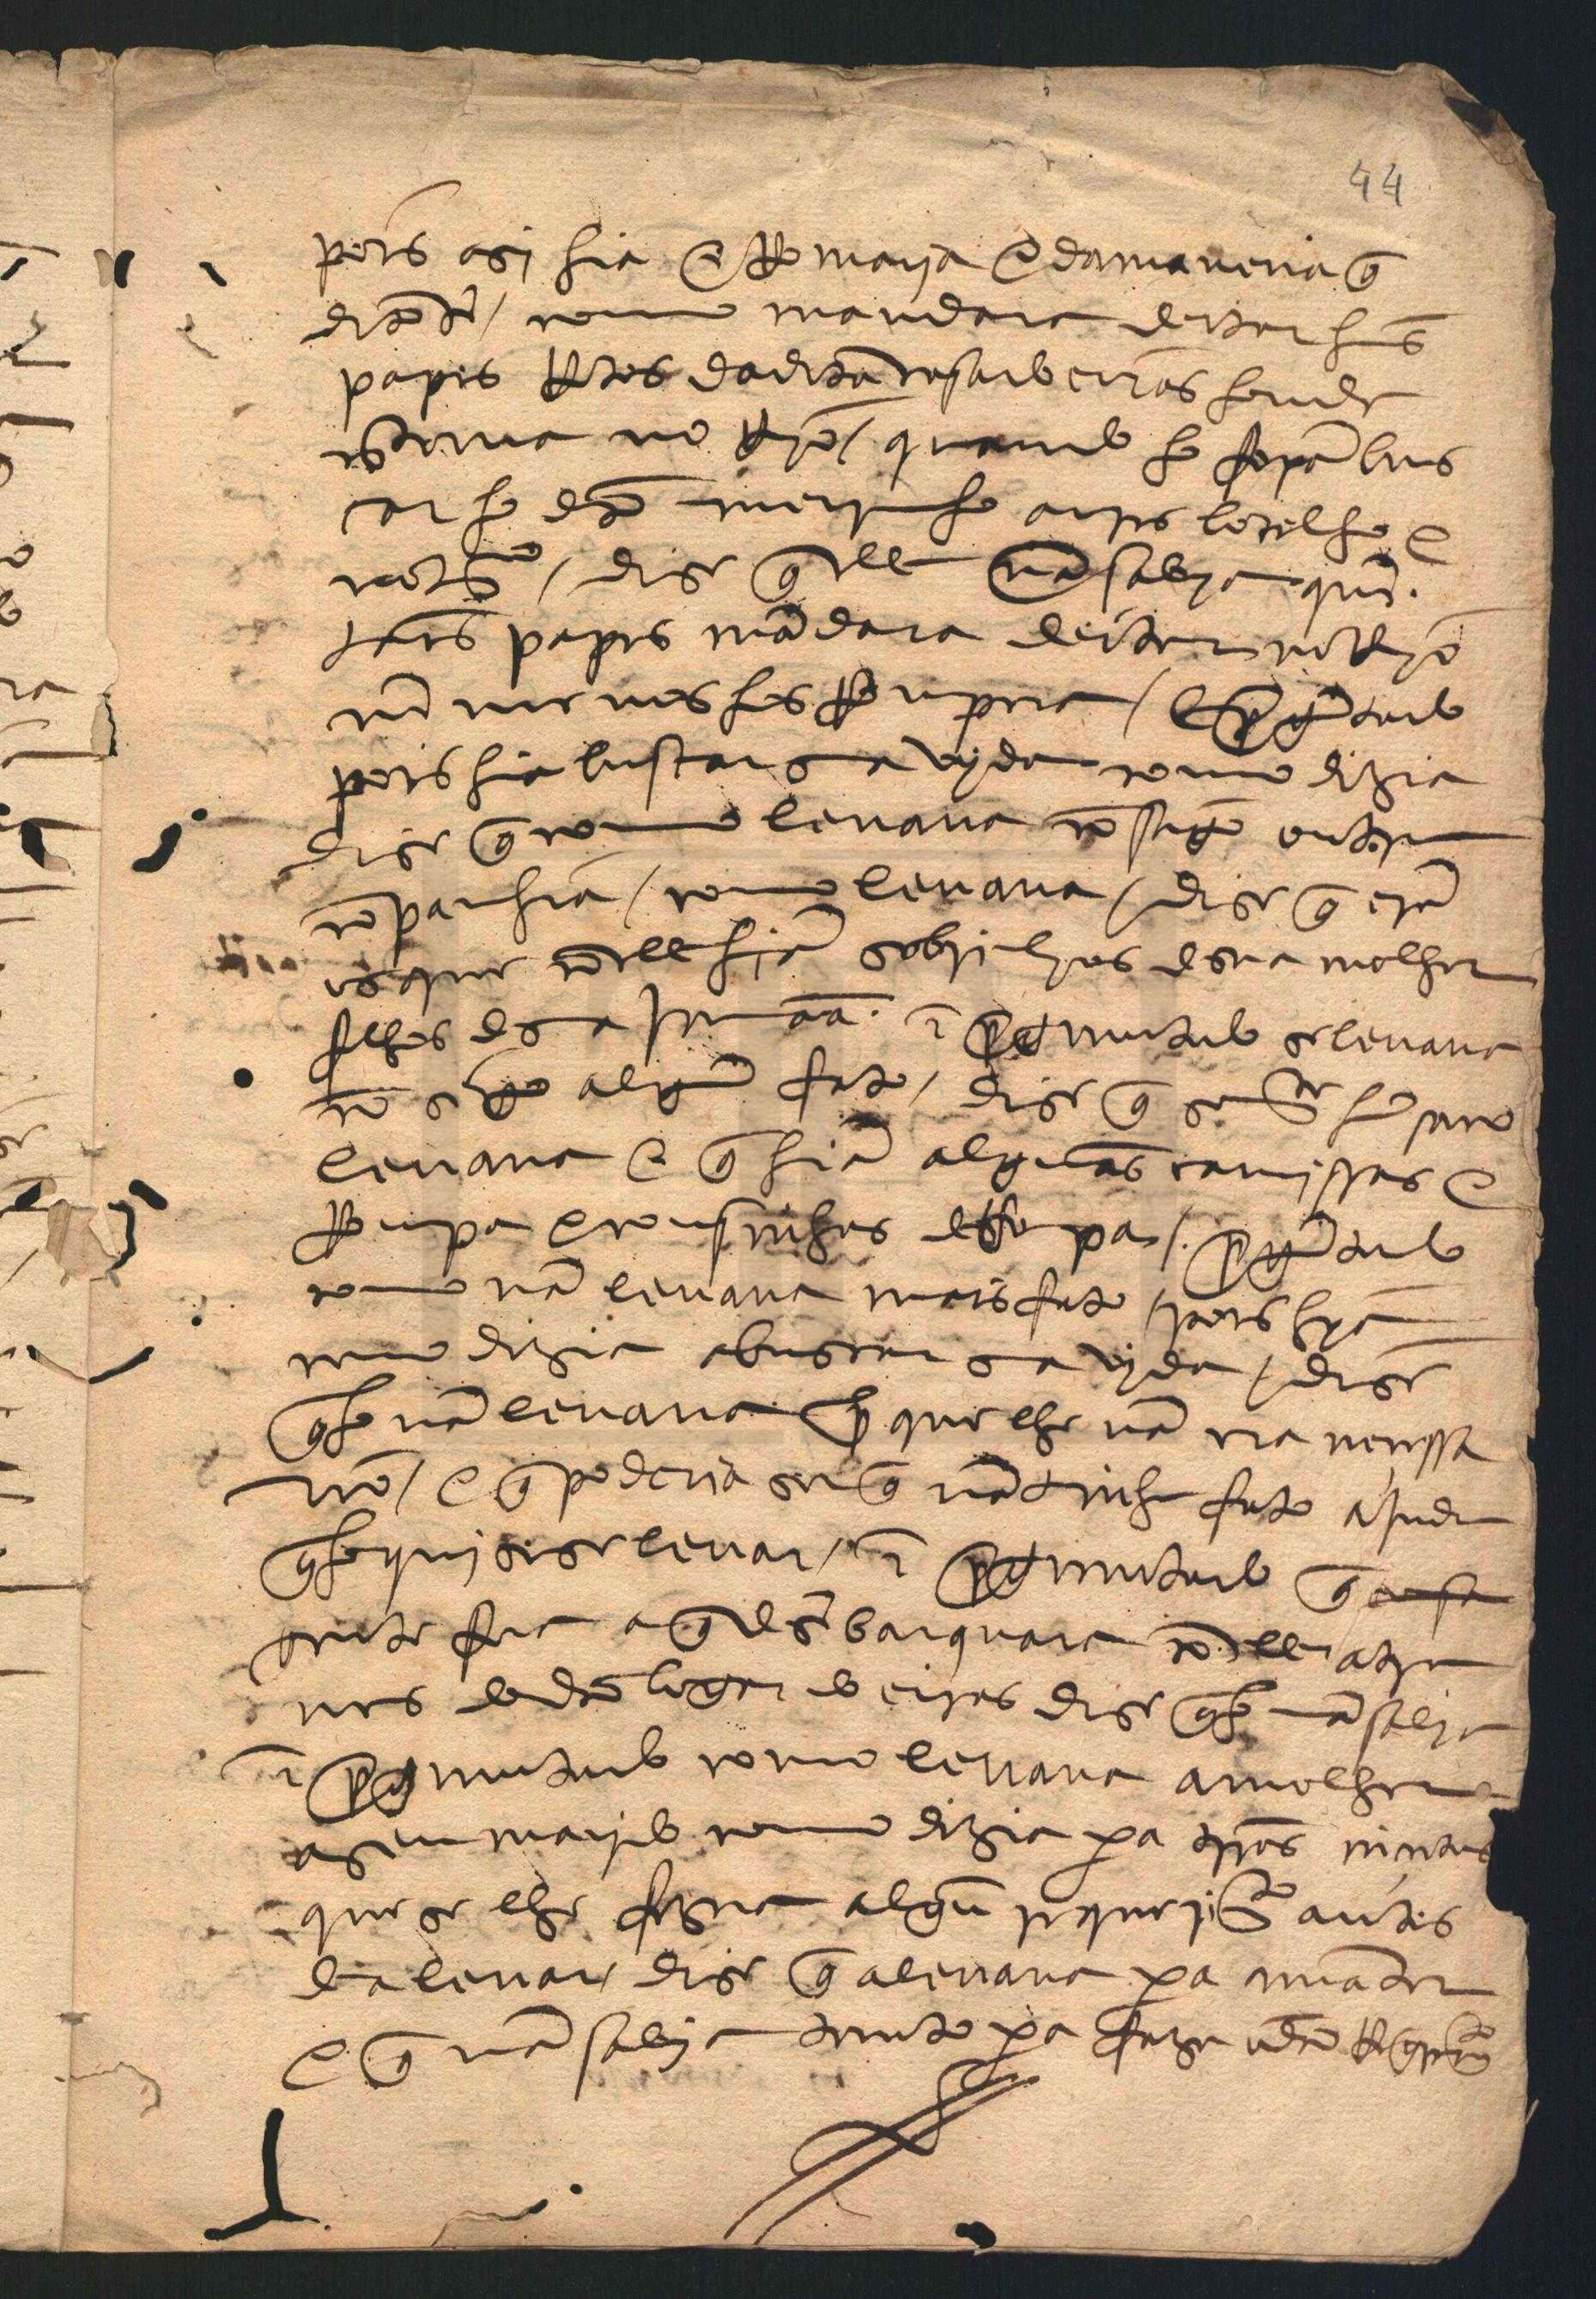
pois asj hia ē Romarja e da maneira q̄
dito tē / como mandara deitar hūs
papes Rotos da dita casa doeiras honde
estaua no Rjo/ quando ho forā bus
car ho dt̄o meirinho aires botelho e
notro / dise q̄ elle n̄a sabya quē.
taēs papes mādara deitar no Rjo
nē menos hos Rompera / E p̄gūtado
pois hia buscar sa vyda como dizia
dise q̄ como leuaua c̄osigo outra
c̄opanhia / como leuaua / dise q̄ erā
os que c̄o elle hjā sobrinhos de sua molher
filhos de sa Jrmāa. item p̄gumtado se leuaua
c̄osigo algū fato / dise q̄ somte hū saco
leuaua ē q̄ hiā alguās camjssas e
Roupa e cousinhas de Roupa /. p̄gūtado
como nā leuaua mais fato / pois hya
como dizia a buscar sa vyda / dise
q̄ ho nā leuaua p̄oque lhe nā era neçessa
rio / e q̄ poderia ser q̄ nā tinha fato aJnda
q̄ ho qujsese leuar / item p̄gumtado q̄ cousa
gente fora a q̄ desēbarquara c̄o elle atra
ues do dt̄o logar doeiras dise q̄ ho nā sabja
item p̄gumtado como leuaua a molher
a seu marjdo como dizia ꝑa trr̄as inçertas
que se lhe fezera algū requerimto antes
de a leuar/ dise q̄ a leuaua ꝑa a māter
e q̄ nā sabya tanto ꝑa fazer o d̄to Req̄rimto
